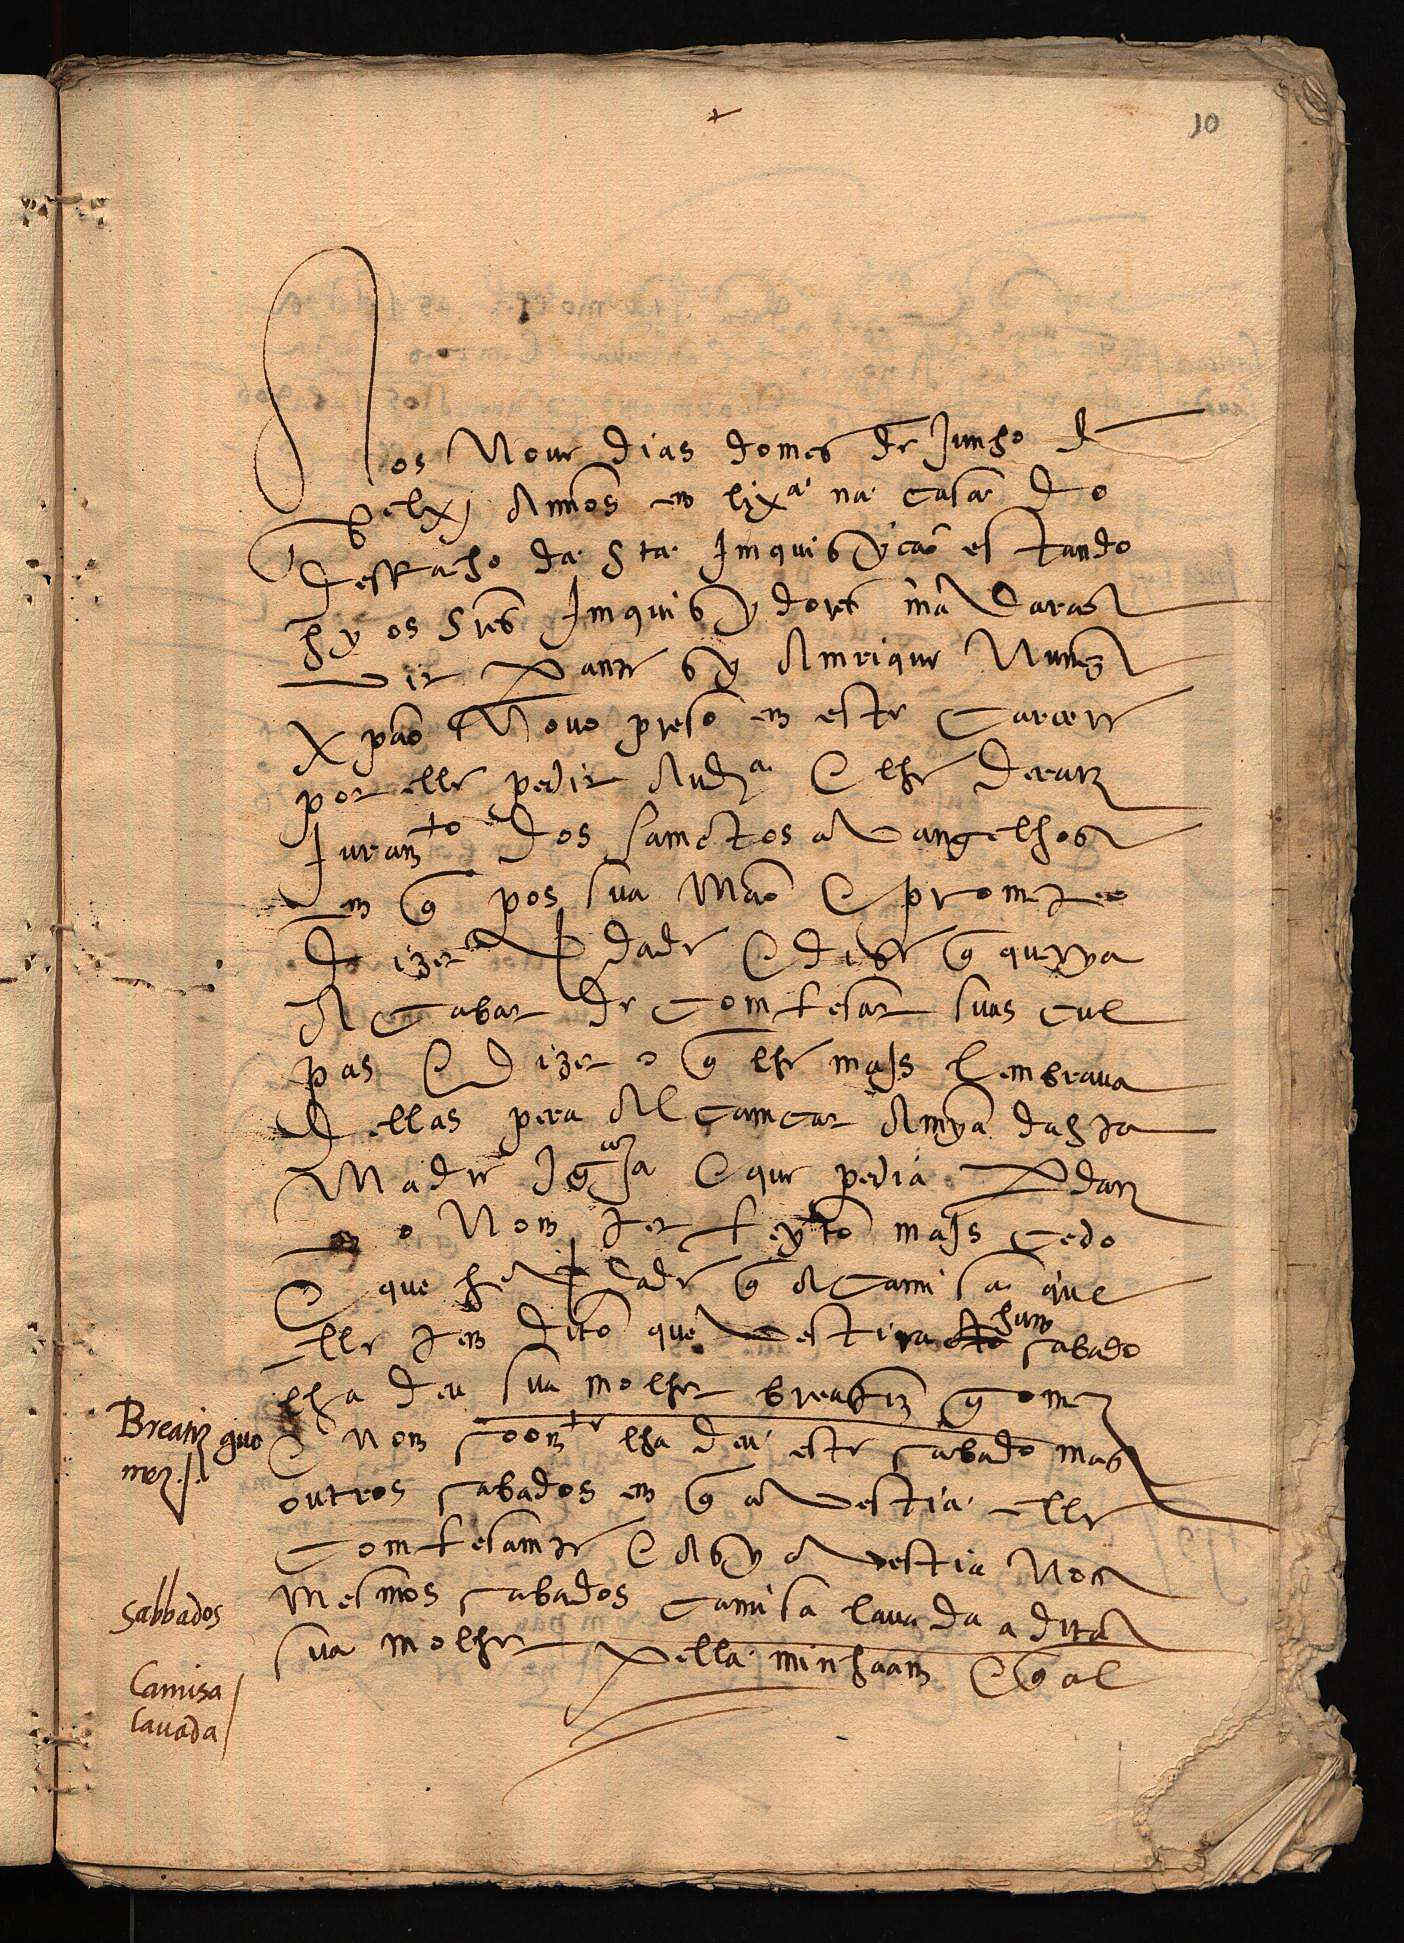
Aos Noue dias do mes de Junho de
j̄bc lxj An̄nos em lixa na casa do
despacho da Sta Jmquisyçaõ estando
hy os sr̄es Jmquisydores mādaraõ
vir ꝑante sy Amrique Nunēz
Xpão Nouo preso em este Carcere
por elle pedir Audja E lhe deram
Juramto dos Samctos avangelhos
em q̄ pos sua Mão e prometeo
dizer ꝟdade e dise q̄ querya
ACabar de Comfesar suas cul
pas e dizer o q̄ lhe majs lembraua
dellas pera Alcamçar A mȳa da sta
Madre JḡJa e que pedia ꝑdam
_ o Nom ter feyt̄o majs Cedo
e que he ꝟdade q̄ A Camisa que
elle tem dit̄o que vestira Aa hum sabado
lha deu sua molher breat̄iz gomez
Breatiz guo
e nom soomte lha deu este sabado mas
mez ./.
outros sabados em q̄ a vestia elle
Comfesamte e Asy a vestia Nos
mesmos sabados camisa lauada a dita
sabbados
sua molher pella menhaam e q̄ al
Camisa
lauada
